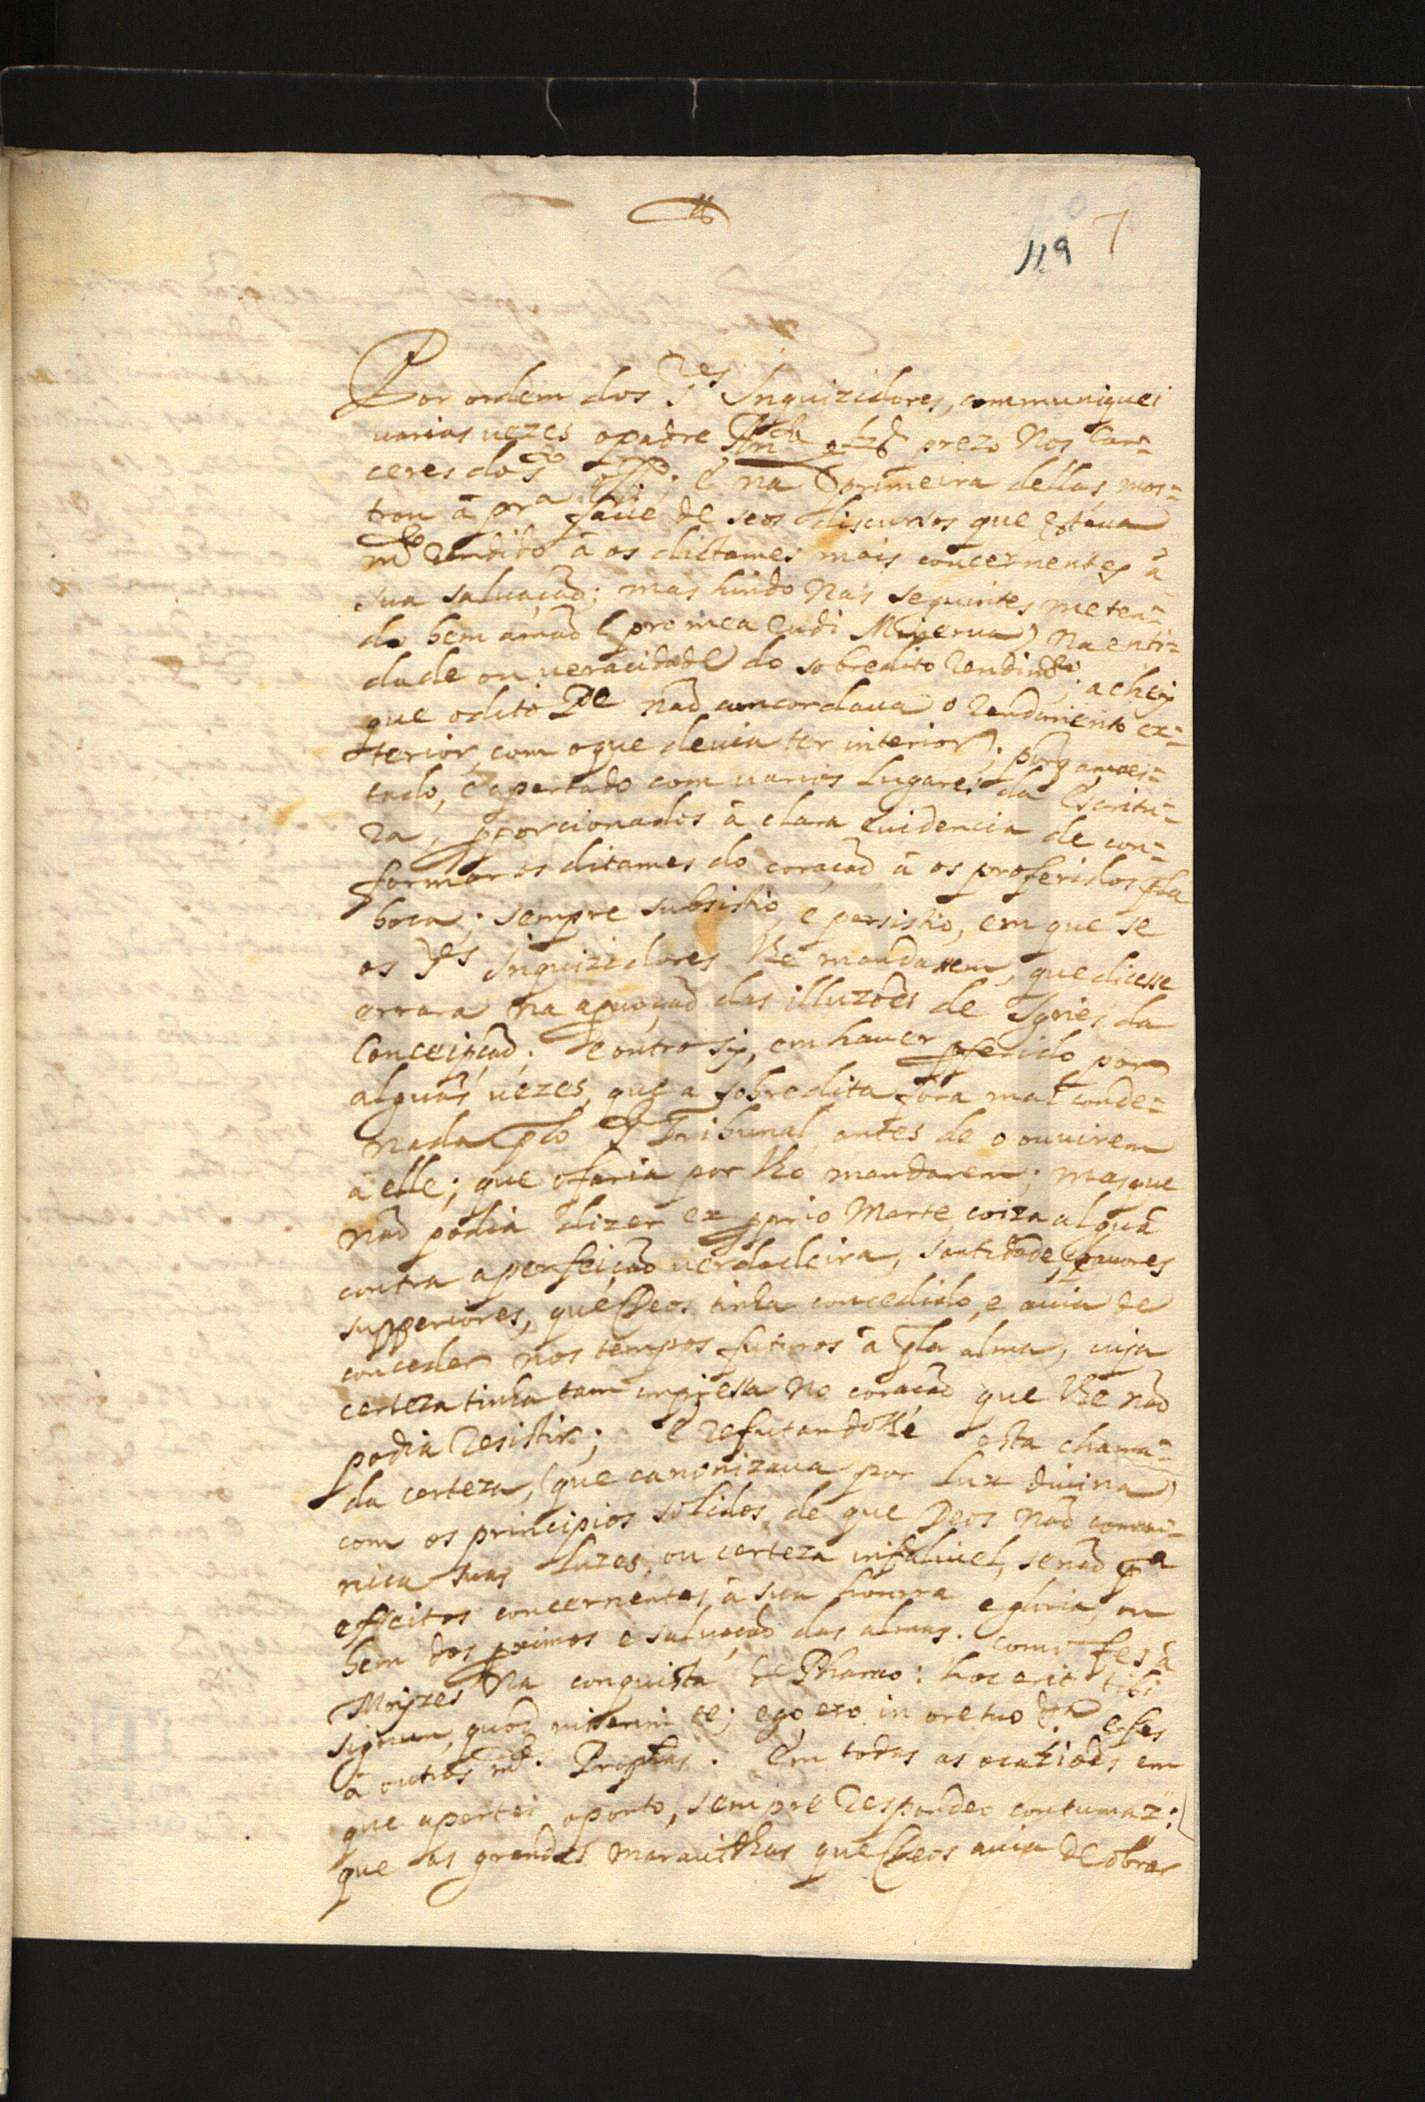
Por ordem dos s.res Inquizidores communiquei
uarias uezes o padre Anto glz̄ prezo Nos car
ceres do s off.o; e na primeira dellas mos
trou a pra facie de seos discursos que estaua
mto Rendido aos dictames mais concernentes á
sua saluação; mas hindo nas seguintes meten
do bem a maõ (pro mea audi Minerua) na enti
dade ou ueracidade do sobredito Rendimto; achey
que o dito Pe naõ concordaua o Rendimento ex
terior com o que deuia ter interior; porq̄ amoes
tado, e apertado com uarios Lugares da escritu
ra, ꝓporcionados á clara euidencia de con
formar os ditames do coraçaõ áos proferidos pla
hora; sempre subsistio, e persistio, em que se
os s.res Inquizidores lhe mandassem que dicesse
errara na aꝓuaçaõ das illuzoẽs de Ignes da
conceipçaõ; e outrosy, em hauer ꝓferido para
alguās uezes, que a sobredita fora mal conde
nada plo sto Tribunal antes de o ouuirem
a elle; que o faria por lhe mandarem; mas oue
naõ podia dizer ex ꝓprio morte coiza alguā
contra a perfeiçaõ uerdadeira, santidade, prumes
supperiores, que Deos tinha concedido, e auia de
conceder nos tempos futuros à pla alma, cuja
certeza tinha tam impressa na criaçaõ que lhe não
podia Resistir; e Refutandosse desta chama
da certeza, (que canonizaua por sua diuina)
com os principios solidos de que Deos naõ commu
nica suas luzes, ou certeza infaliuel, senaõ pa
effeitos concernentes à sua honrra e gloria, ou
bem dos ꝓximos e saluaçaõ das almas; como fes á
Moyzes na conquista de Pharreo: hoc erit tibi
signum, quod miserim te; ego ero in ore tuo &.a e fes
a outros m.tas Prophas. em todas as ocazioẽs em
que apertei a ponto, sempre Respondeo contumaz
que as grandes marauilhas que Deos auia de obras
